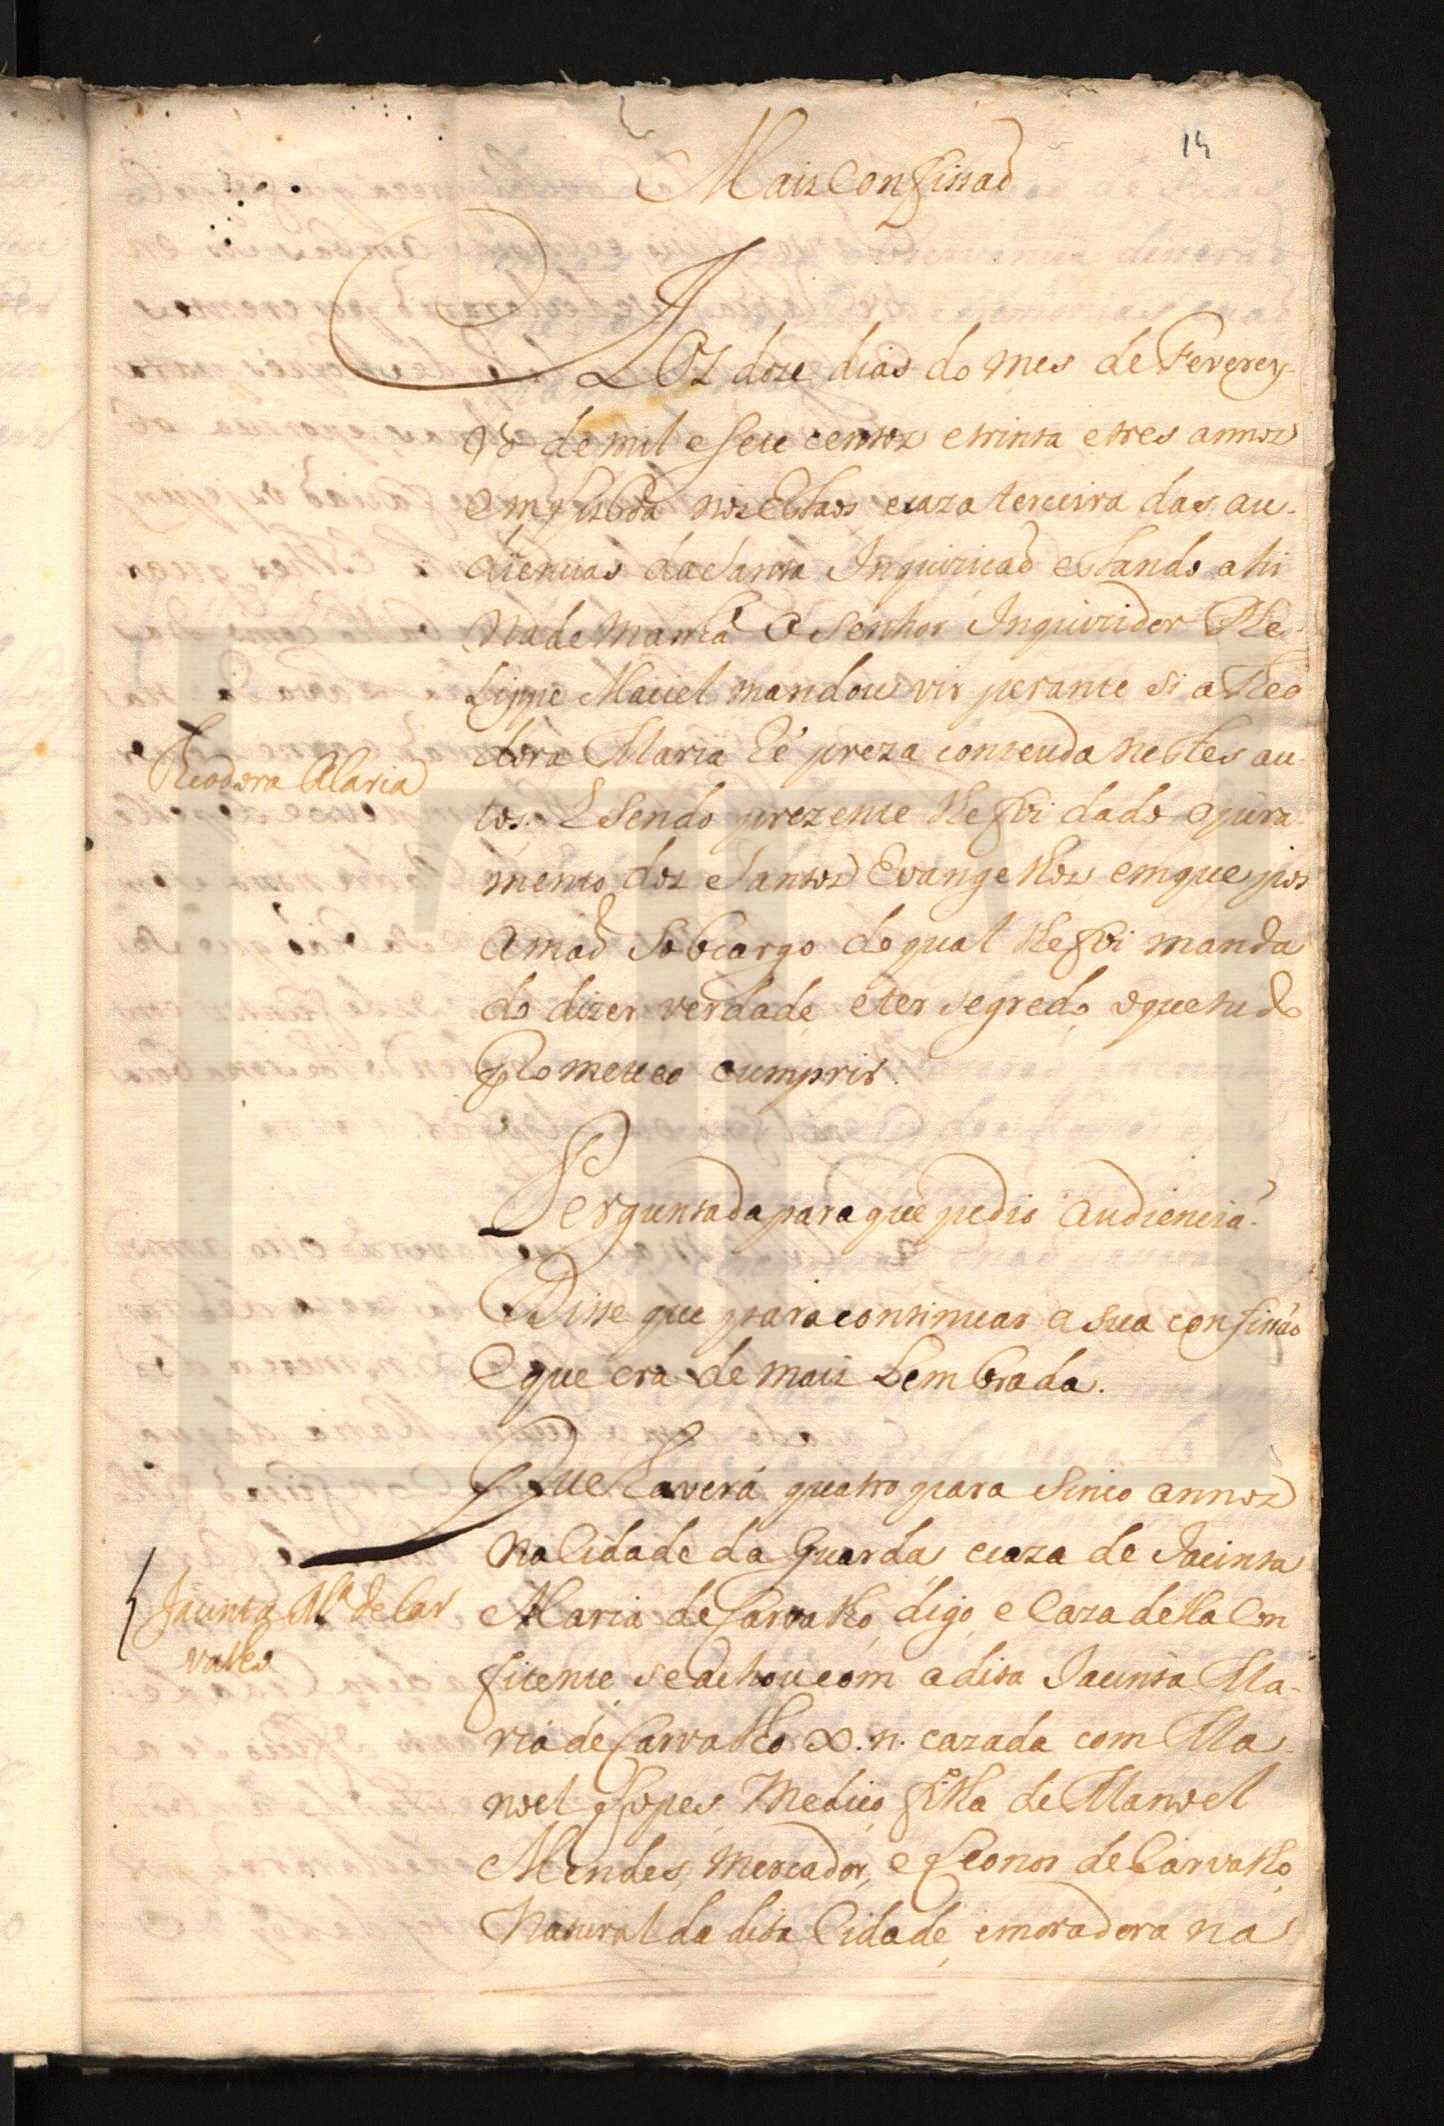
Mais confissaõ
Aos doze dias do mes de Feverey
ro de mil e setecentos e trinta e tres annos
em Lisboa nos Estaos e caza terceira das au
diencias da Santa Inquiziçaõ estando ahi
Na de manhã o Senhor Inquizidor Phe
Lippe Maciel mandou vir perante si a Theo
dora Maria Ré preza conteuda nestes au
Thedora Maria
tos; E sendo prezente lhe foi dado o jura
mento dos Santos Evangelhos em que pos
A maõ sob cargo do qual lhe foi manda
do dizer verdade, e ter segredo o que tudo
pRometteo cumprir.
Perguntada para que pedio audiencia?
Disse que para continuar a sua confissaõ
E que era de mais Lembrada.
Que haverá quatro para sinco annos
na Cidade da Guarda, e caza de Iacinta
L Jacinta Ma de Car
Maria de Carvalho, digo, e caza della con
valho
fitente, se achou com a dita Iacinta Ma
ria de Carvalho x. n. cazada com Ma
noel Lopes, Medico, filha de Manoel
Mendes, mercador, e Leonor de Carvalho
Natural da dita Cidade, e moradora na
